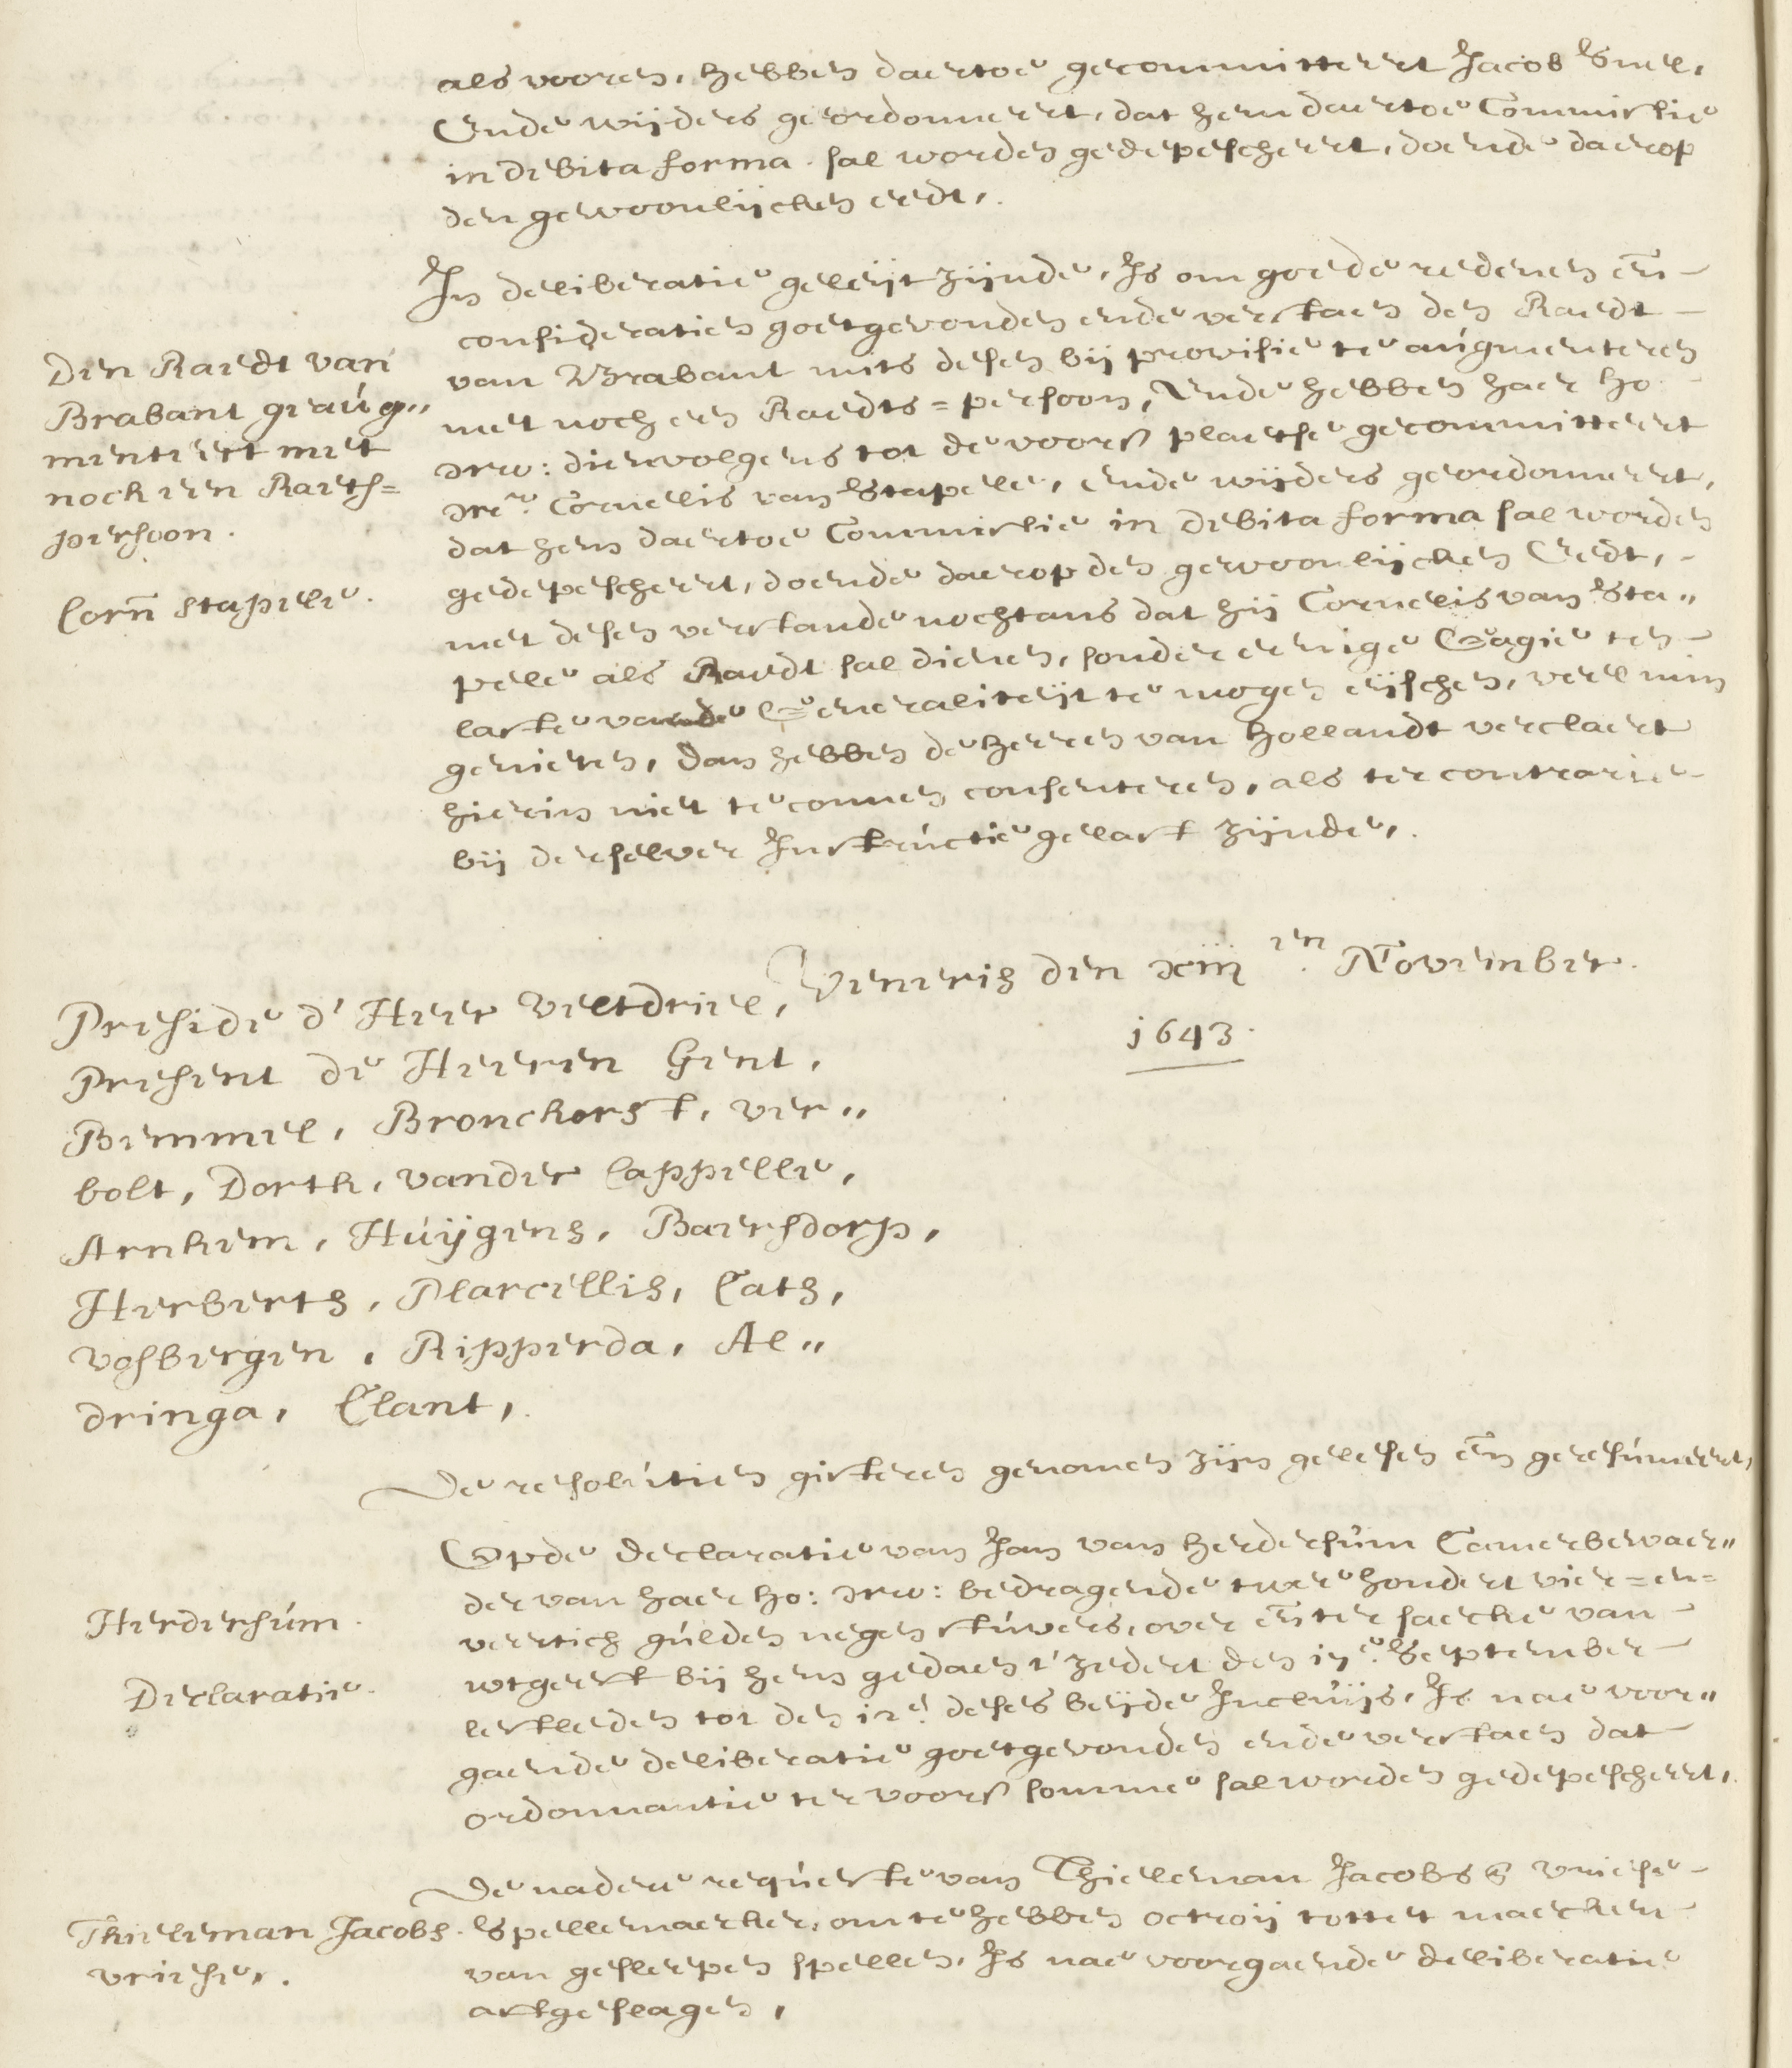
als vooren, hebben daertoe gecommitteert Jacob Snel.
Ende wijders geordonneert, dat hem daertoe commissie
in debita forma sal worden gedepescheert, doende daerop
den gewoonlijcken eedt.
Den Raedt van
Brabant geaug„
menteert met
noch een Raets„
persoon.
Corn. Stapele.
In deliberatie geleijt zijnde, Is om goede redenen en -
consideratien goetgevonden ende verstaen den Raedt
van Brabant mits desen bij provisie te augmenteren
met noch een Raedts=persoon. Ende hebben haer Ho:
Mo: dienvolgens tot de voors plaetse gecommitteert
Mr Cornelis van Stapele, Ende wijders geordonneert,
dat hem daertoe commissie in debita forma sal worden
gedepescheert, doende daerop den gewoonlijcken Eedt, -
met desen verstande nochtans dat hij Cornelis van Sta„
pele als Raedt sal dienen, sonder eenige Gagie ten -
laste van de Generaliteijt te mogen eijschen, veel min
genieten, dan hebben de heeren van Hollandt verclaert
hierin niet te connen consenteren, als ter contrarie
bij derselver Instructie gelast zijnde.
Veneris den xiiien November
1643
Preside d'Heer Veltdriel,
present de Heeren Gent,
Bemmel, Bronchorst, Ver„
bolt, Dorth, van der Cappelle,
Arnhem, Huijgens, Baersdorp,
Herberts, Marcellis, Cats,
Vosbergen, Ripperda, Al„
dringa, Clant.
De resolutien gisteren genomen zijn gelesen en geresumeert.
Herdersum
Declaratie
Opde declaratie van Jan van Herdersum Camerbewaer„
der van haer Ho:Mo: bedragende twee hondert vier=en=
veertich gulden negen stuvers over en ter saecke van -
wtgeef bij hem gedaen zedert den 17en september -
lestleden tot den 12e deses beijde Incluijs, Is nae voor„
gaende deliberatie goetgevonden ende verstaen dat -
ordonnantie ter voors somme sal worden gedepescheert.
Thieleman Jacobs.
Vriese.
De nadere requeste van Thieleman Jacobsz. Vriese
spellemaecker, om te hebben octroij tottet maecken
van gesleepen spellen, Is nae voorgaende deliberatie
affgeslagen.
